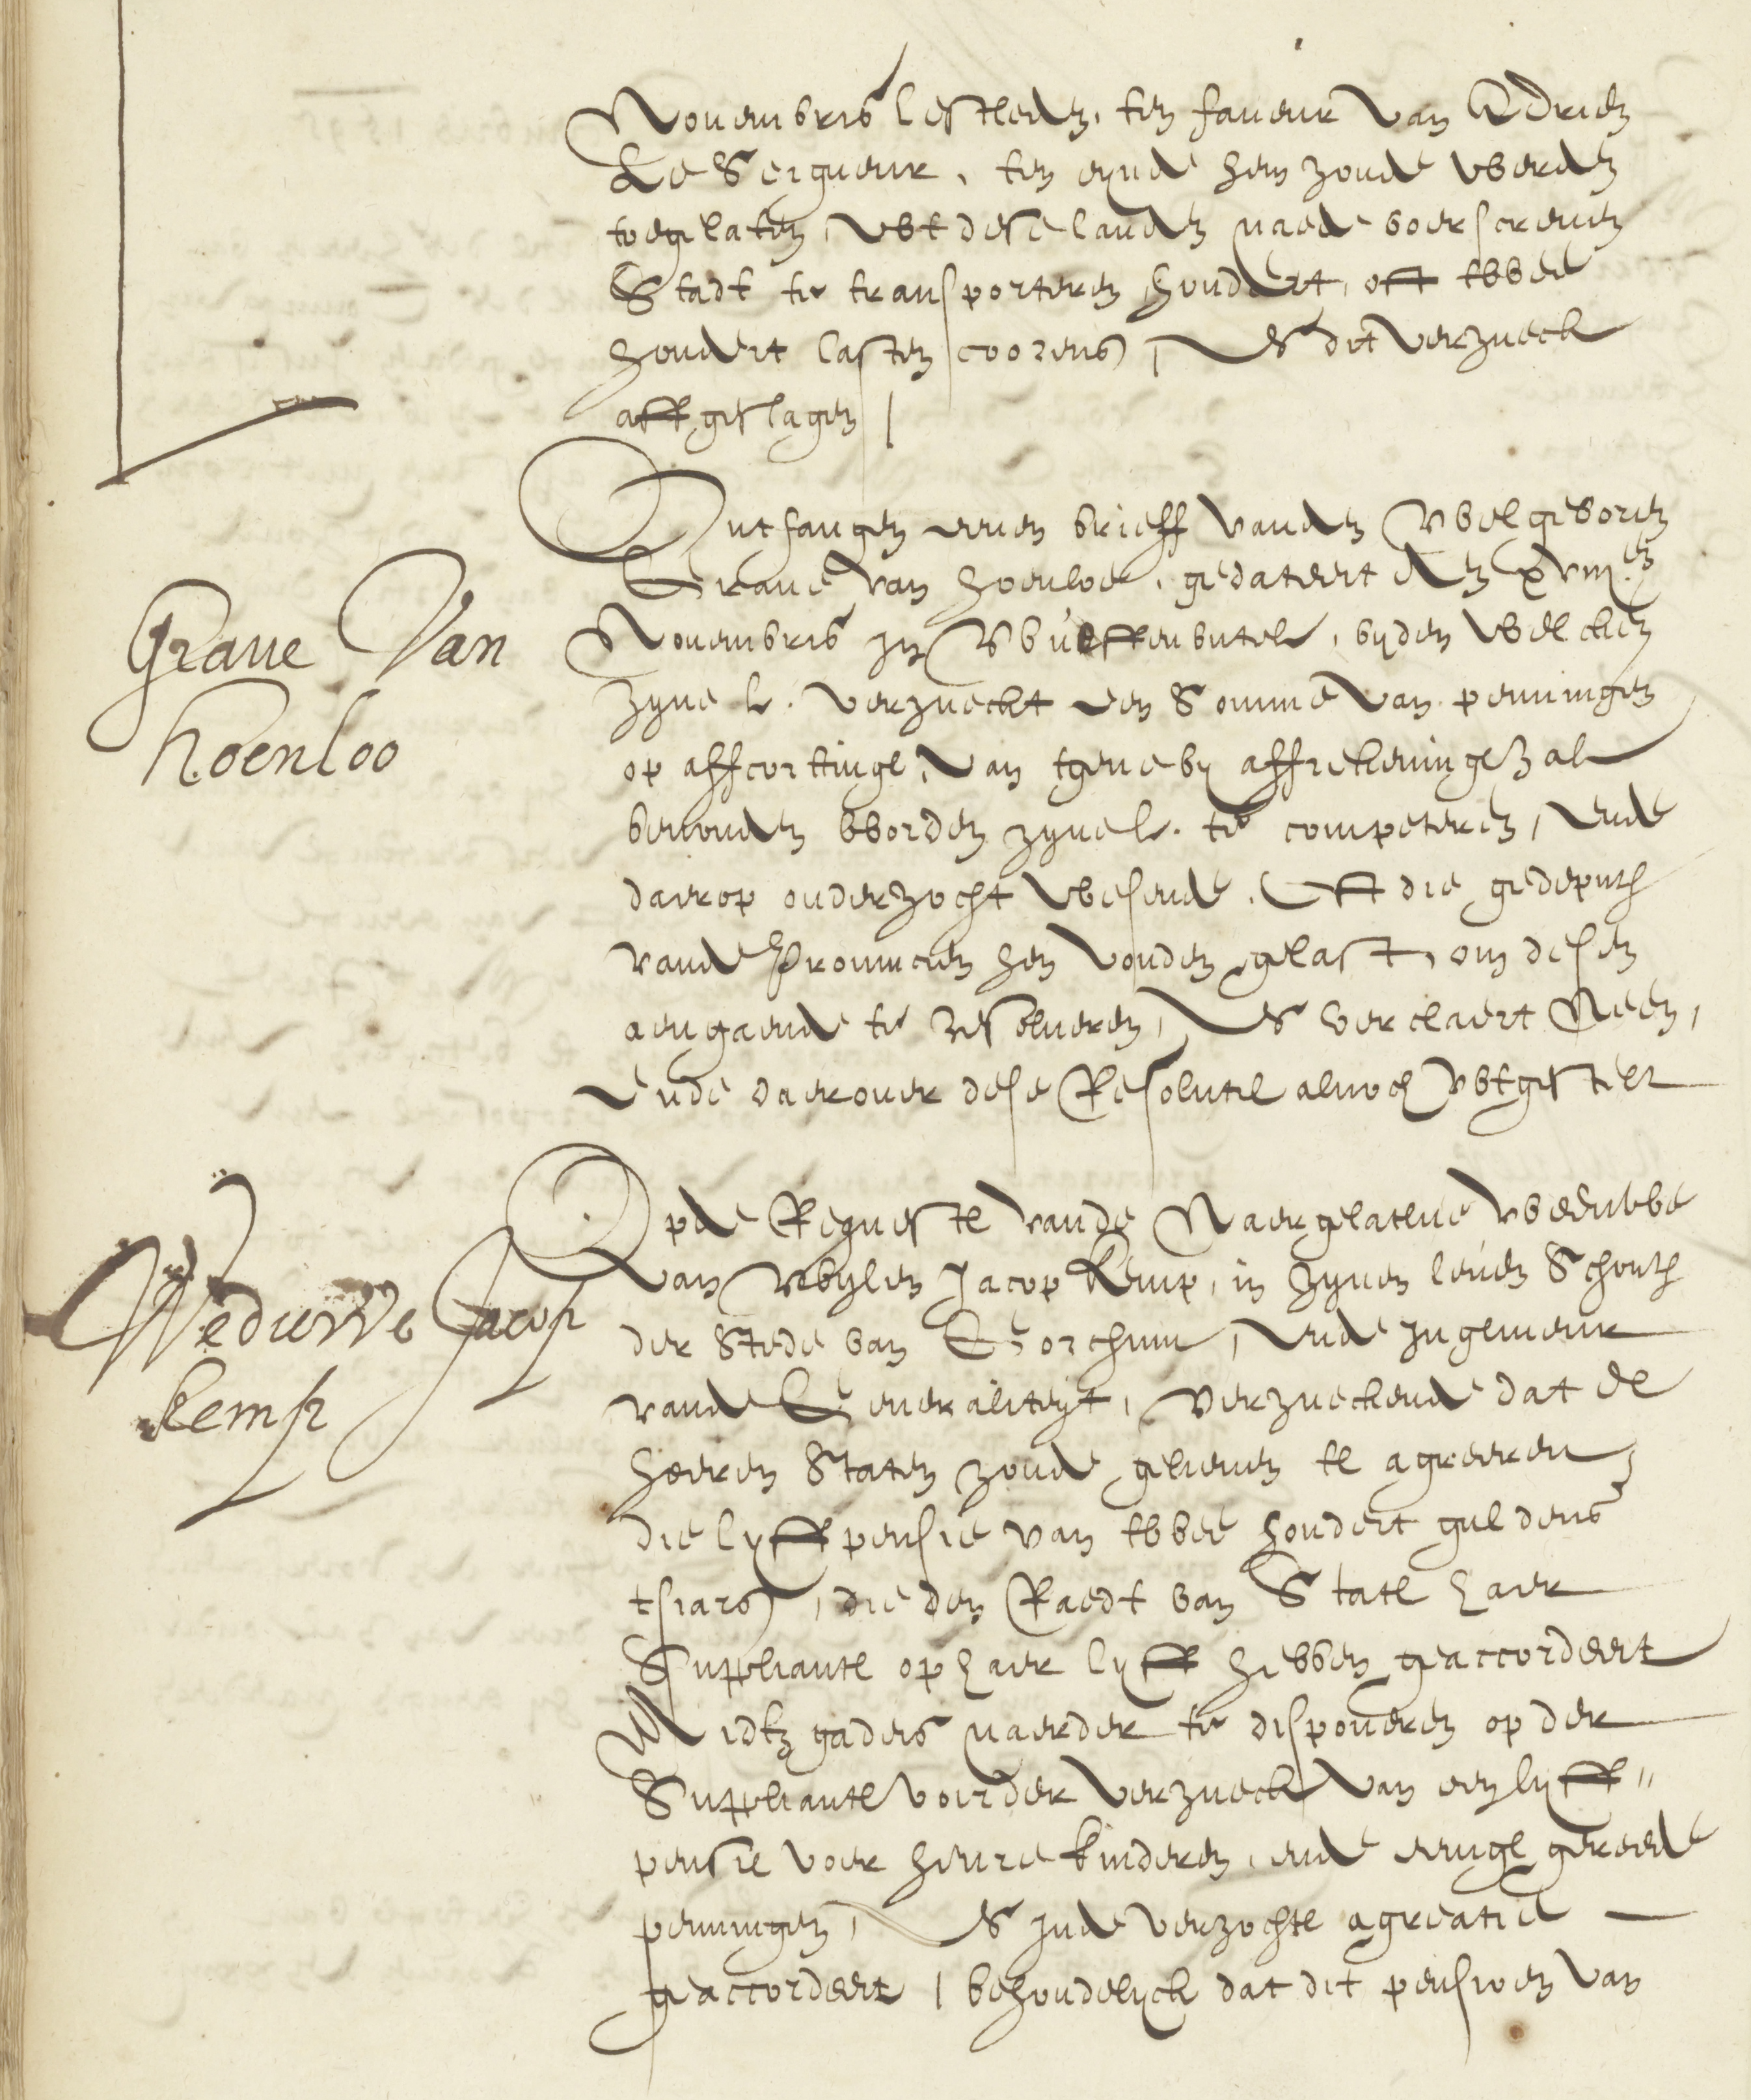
Nouembris lestleden, ten faueur van Adrien
Le Seigneur, ten eynde hem zoude werden
toegelaten Wt dese landen naede voerscreuen
Stadt te transporteren hondert, oft twee
hondert lasten coorens Is verzueck
affgeslagen.
Graue Van
Hoenloo
Ontfangen eenen brieff vanden welgeboren
Graue van Hoenloo, gedateert den xviiien
Nouembris In Wulffenbutel, byden welcken
zyne L. verzueckt een Somme van penningen
op affcortinge van tgene bij affrekeninge zal
beuonden worden zyne L. te competeren, ende
daerop onderzocht wesende, Off die gedeputs
vande Prouincien hen vonden gelast, om desen
aengaende te resolueren, Es verclaert Neen,
ende daerouer dese Resolutie alnoch Wtgestelt
Weduwe Jacop
Kemp
Opde Requeste vande naergelatene weduwe
van wylen Jacop Kemp, in zynen leven Schouth
der Stede van Gorchum, ende Ingenieur
vande Generaliteyt, verzueckende dat de
heeren Staten zoude gelieuen te agreeren
die lyffpensie van twee hondert guldens
tsiars, die den Raedt van State haer
Suppliante op haer lyff hebben geaccordeert
Midtzgaders naerder te disponeren op der
Suppliante voirder verzueck van een lyff„
pensie voer heure kinderen, ende eenigh gereede
penningen. Is inde verzochte agreatie
geaccordeert, behoudelyck dat dit pensioen van
